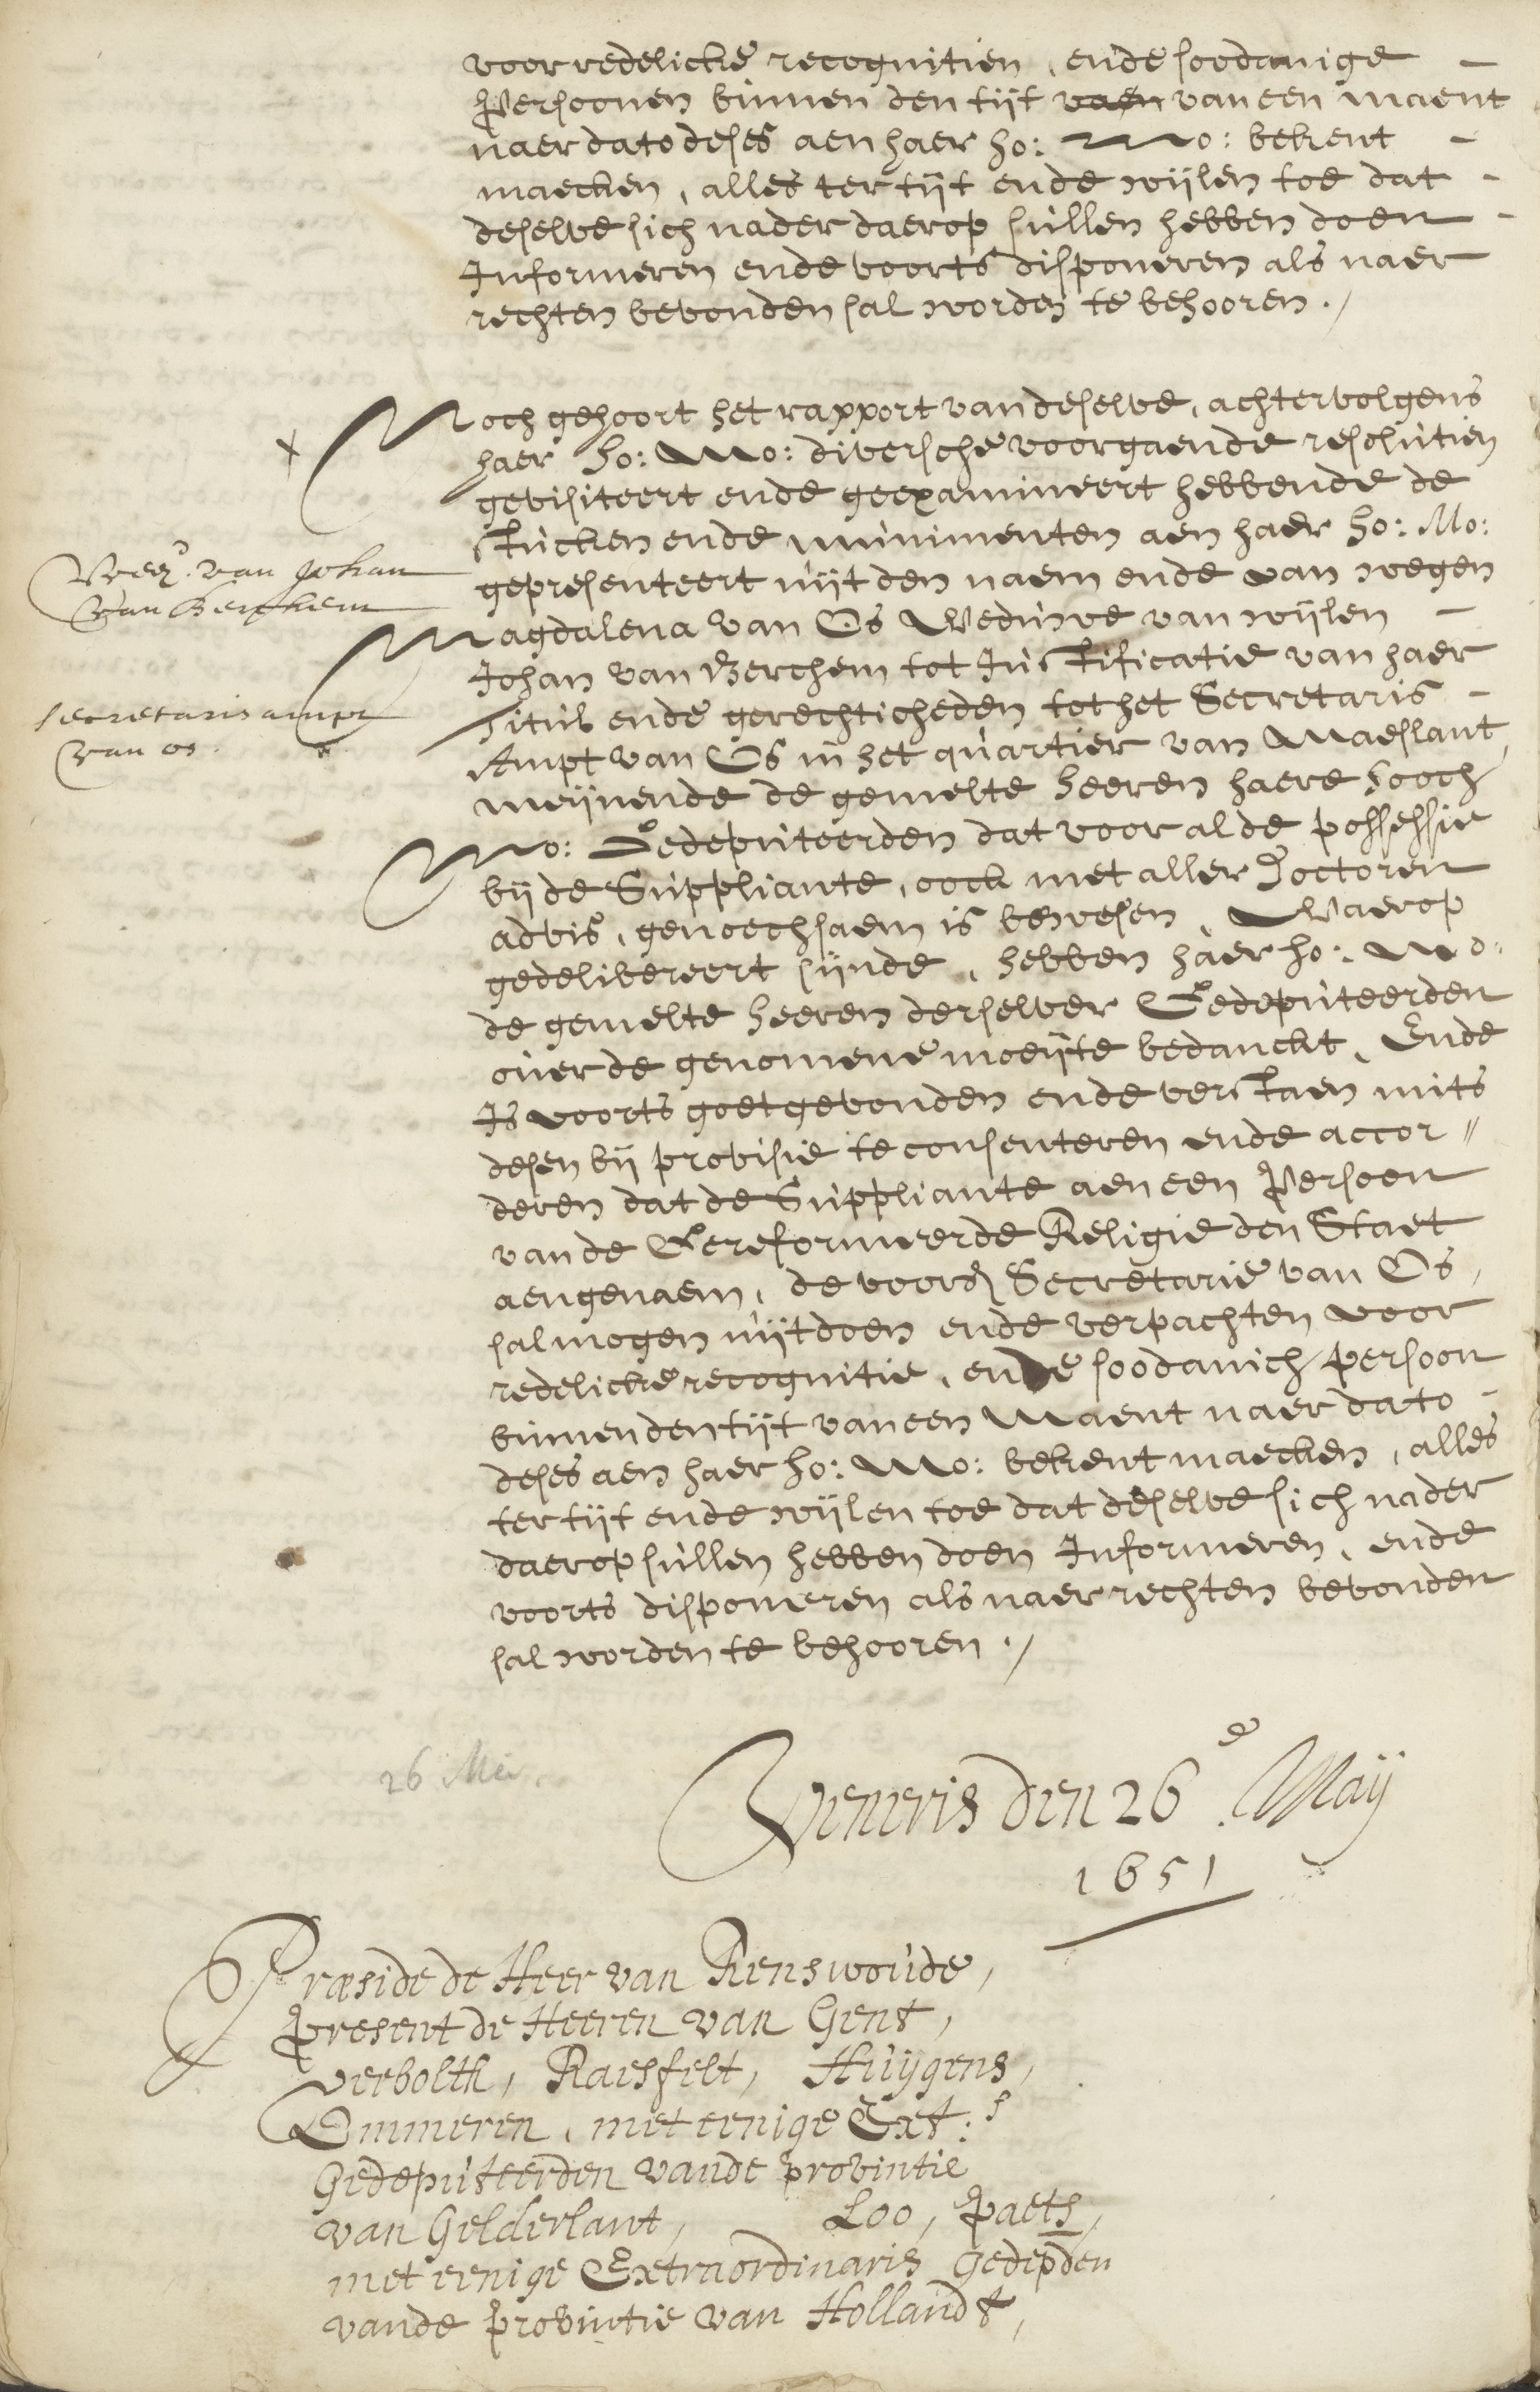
voor redelicke recognitien, ende soodanige
Persoonen binnen den tijt vaen van een maent
naer dato deses aen haer ho:Mo: bekent
maecken, alles ter tijt ende wijlen toe dat
deselve sich nader daerop sullen hebben doen -
Informeren ende voorts disponeren als naer
rechten bevonden sal worden te behooren.
Wede. van Johan
van Berchem
secretaris ampt
van os.
Noch gehoort het rapport van deselve, achtervolgens
haer Ho:Mo: diversche voorgaende resolutien
gevisiteert ende geexamineert hebbende de
stucken ende munimenten aen haer Ho:Mo:
gepresenteert uijt den naem ende van wegen
Magdalena van Os Weduwe van wijlen
Johan van Berchem tot Justificatie van haer
Titul ende gerechticheden tot het Secretaris
Ampt van Os in het quartier van Maeslant,
meijnende de gemelte heeren haere hooch
Mo: Gedeputeerden dat voor al de possessie
bij de Suppliante, oock met aller Doctoren
advis, genoechsaem is bewesen. Waerop
gedelibereert sijnde, hebben haer ho:Mo:
de gemelte heeren derselver Gedeputeerden
ouer de genomene moeijte bedanckt, Ende
Is voorts goetgevonden ende verstaen mits
desen bij provisie te consenteren ende accor„
deren dat de Suppliante aen een Persoon
van de Gereformeerde Religie den Staet
aengenaem, de voors Secretarie van Os,
sal mogen uijtdoen ende verpachten voor
redelicke recognitie, ende soodanich persoon
binnen den tijt van een Maent naer dato -
deses aen haer ho:Mo: bekent maecken, alles
ter tijt ende wijlen toe dat deselve sich nader
daerop sullen hebben doen Informeren, ende
voorts disponeren als naer rechten bevonden
sal worden te behooren.
26 Mei,
Veneris den 26e. Maij
1651
Præside de Heer van Renswoude,
present de Heeren van Gent,
Verbolth, Raesfelt, Huijgens,
Ommeren, met eenige Exts:
Gedeputeerden vande provintie
van Gelderlant, Loo, paets,
met eenige Extraordinaris Gedepden
vande provintie van Hollandt,
